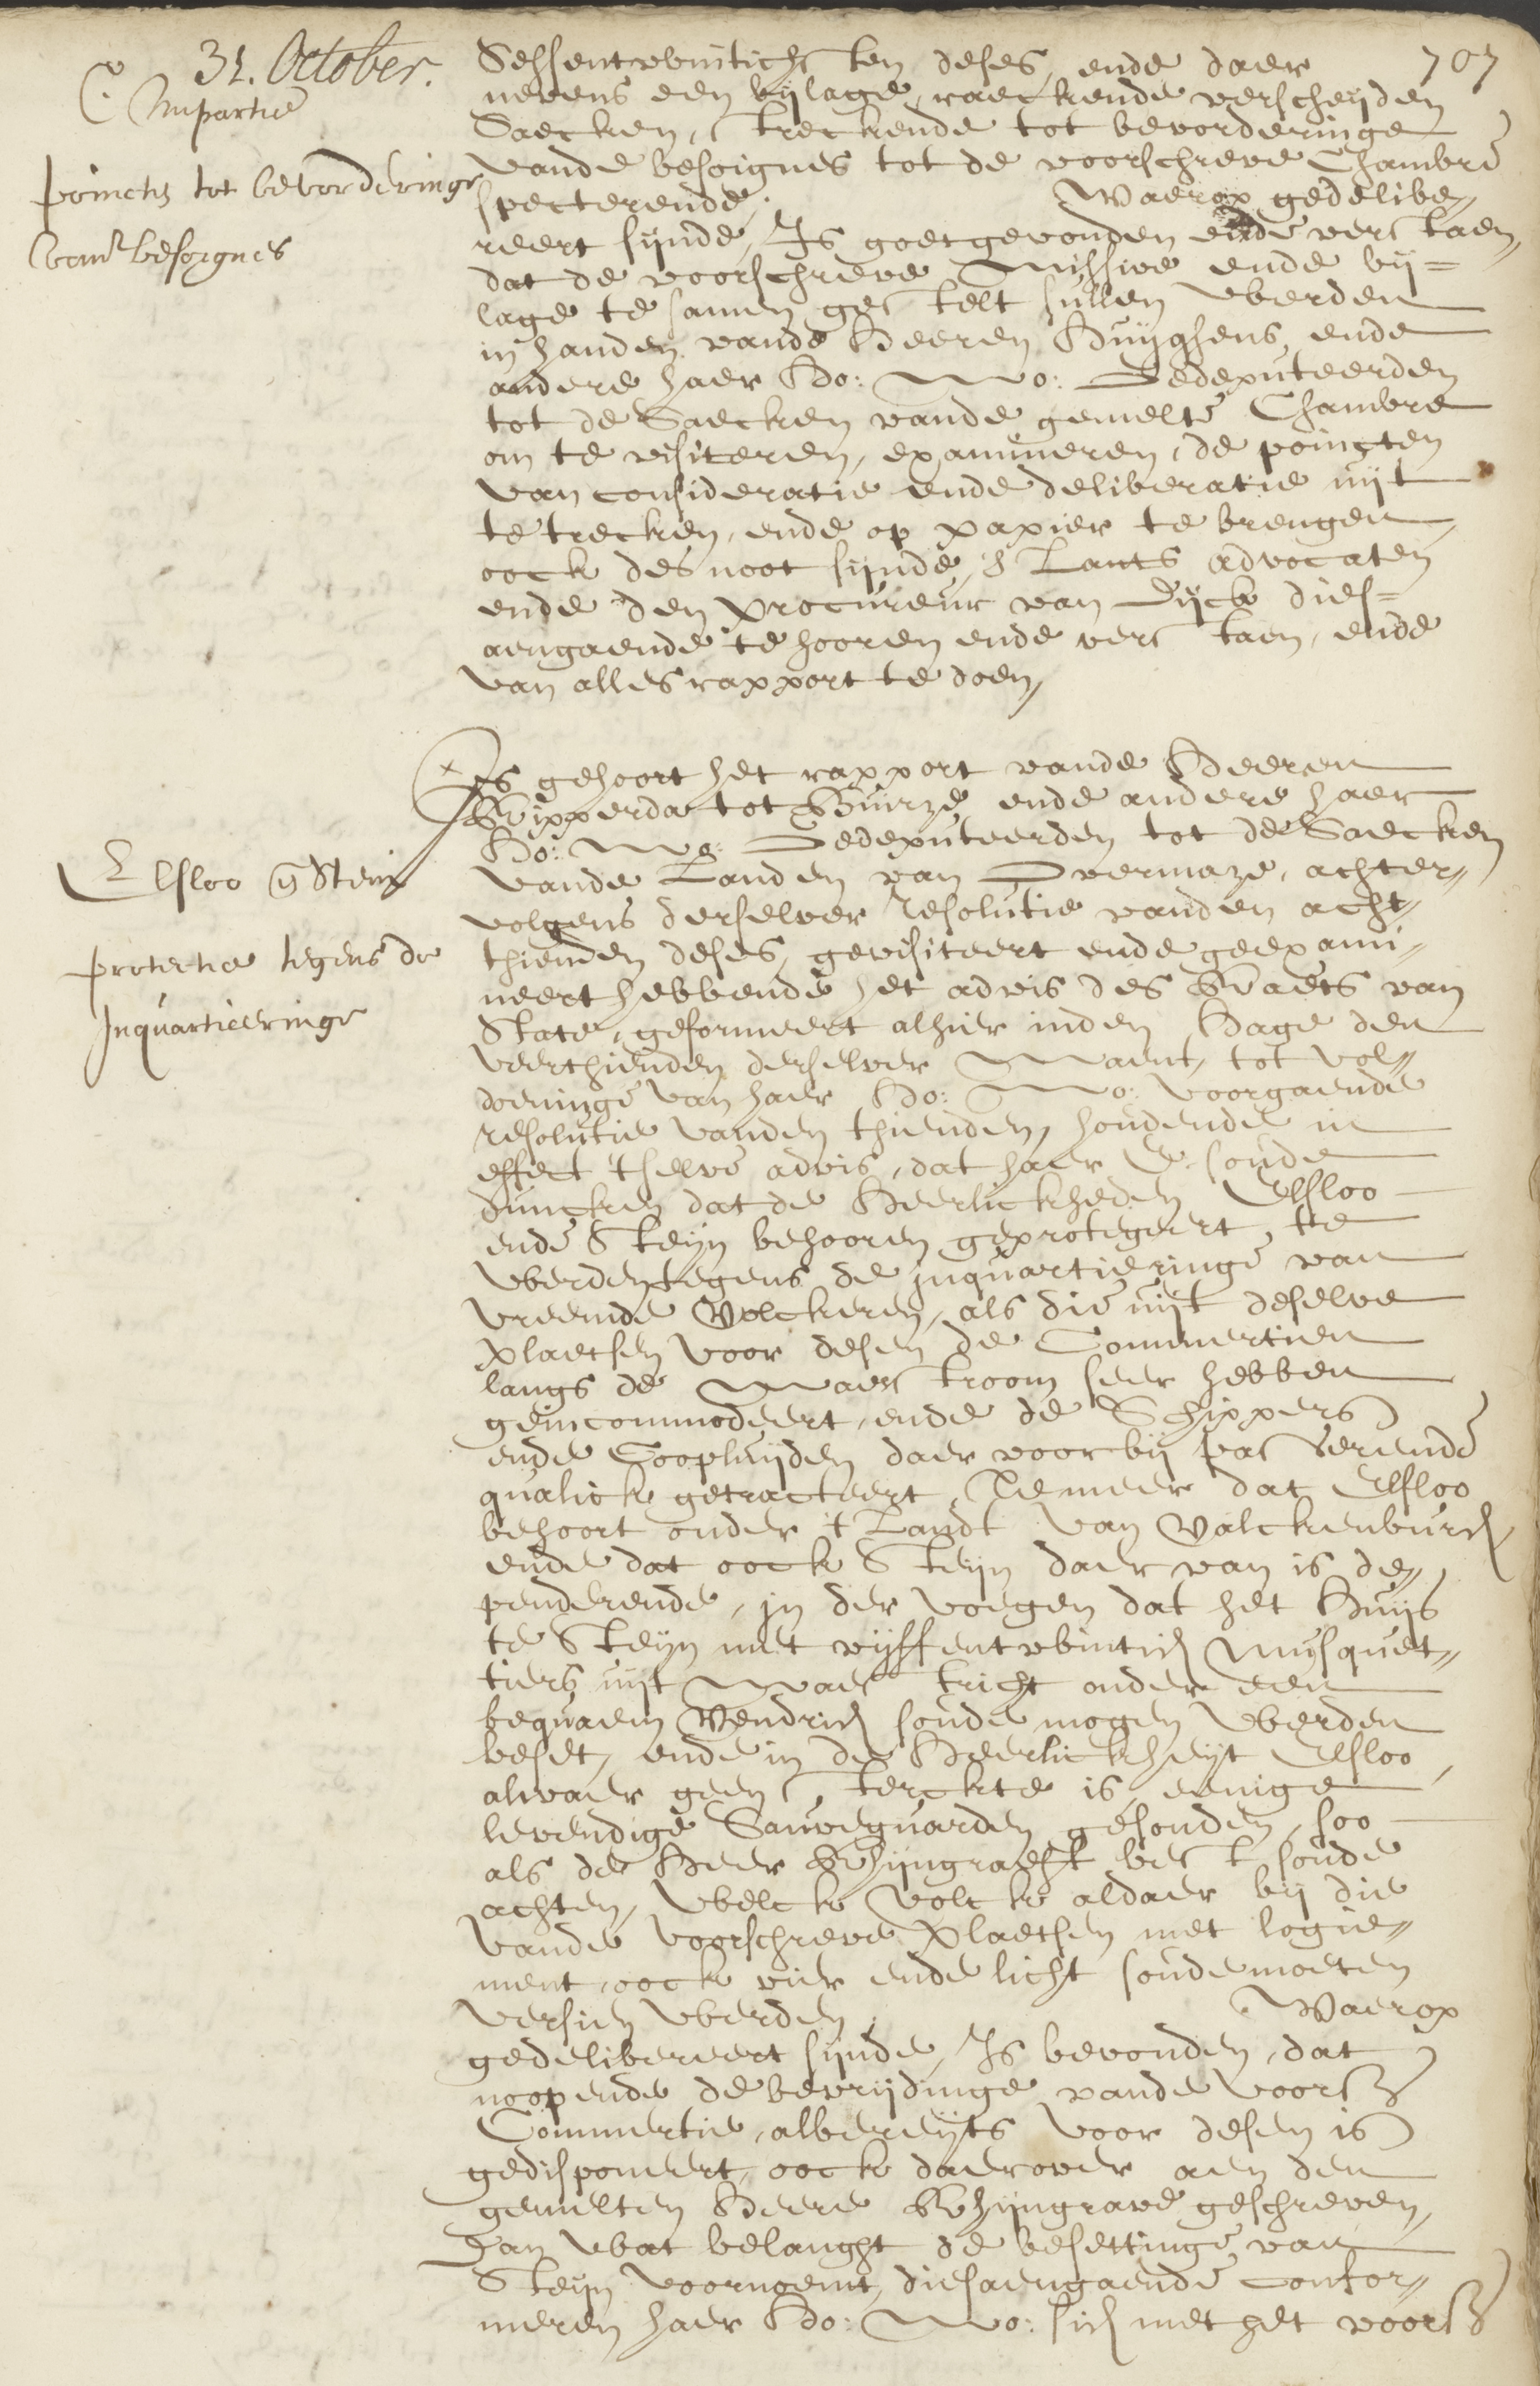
707
31. October.
C. Mipartie
Poincten tot bevoorderinge
van besoignes
Sessentwintichsten deses, ende daer
nevens een bijlage, raeckende verscheijden
Saecken, streckende tot bevorderinge
vande besoignes tot de voorschreve Chambre
specterende; Waerop gedelibe„
reert sijnde, Is goetgevonden ende verstaen,
dat de voorschreve Missive ende bij=
lage te samen gestelt sullen werden
in handen vande Heeren Huijghens, ende
andere haer Ho:Mo: Gedeputeerden
tot de Saecken vande gemelte Chambre
om te visiteren, examineren, de poincten
van consideratie ende deliberatie uijt
te trecken, ende op papier te brengen
oock des noot sijnde ‛s Lants Advocaten
ende den Procureur van Dijck dies=
aengaende te hooren ende verstaen, ende
van alles rapport te doen.
Elsloo & Stein
protectie tegens de
Inquartieeringe
Is gehoort het rapport vande Heeren
Ripperda tot Buirze ende andere haer
Ho:Mo: Gedeputeerden tot de Saecken
vande Landen van Overmaze, achter„
volgens derselver resolutie vanden acht„
tienden deses, gevisiteert ende geexami„
neert hebbende het advis des Raets van
State, geformeert alhier inden Hage den
veerthienden derselver Maent, tot vol„
doeninge van haer Ho:Mo: voorgaende
resolutie vanden thienden, houdende in
effect ‛tselve advis, dat haer E. soude
duncken dat de Heerlickheden Elsloo
ende Steijn behooren geprotegeert te
werden tegens de Inquartieringe van
vreemde Volckeren, als die uijt deselve
plaetsen voor desen de commertien
langs de Maesstroom seer hebben
geincommodeert, ende de Schippers
ende Coopluijden daer voor bij passerende
qualick getracteert, Te meer dat Elsloo
behoort onder ‛t Landt van Valckenburch
ende dat oock Steijn daer van is de„
penderende, in der voegen dat het Huijs
te Steijn met vijffentwintich Musquet„
tiers uijt Maestricht onder een
bequaem Vendrich soude mogen werden
beset, ende in de Heerlickheijt Elsloo
alwaer geen sterckte is, eenige
levendige Sauveguarden gesonden, soo
als de Heer Rhijngaeft aldaer soude
achten, Welck volck aldaer bij die
vande voorschreve Plaetsen met logie„
ment, oock vuer ende licht soude moeten
versien werden; Waerop
gedelibereert sijnde, Is bevonden, dat
noopende de bevrijdinge vande voors
Commertie, albereijts voor desen is
gedisponeert, oock daerover aen den
gemelten Heere Rhijngrave geschreven,
dan wat belanght de besettinge van
Steijn voornoemt, diesaengaende confor„
meren haer Ho:Mo: sich met het voors
